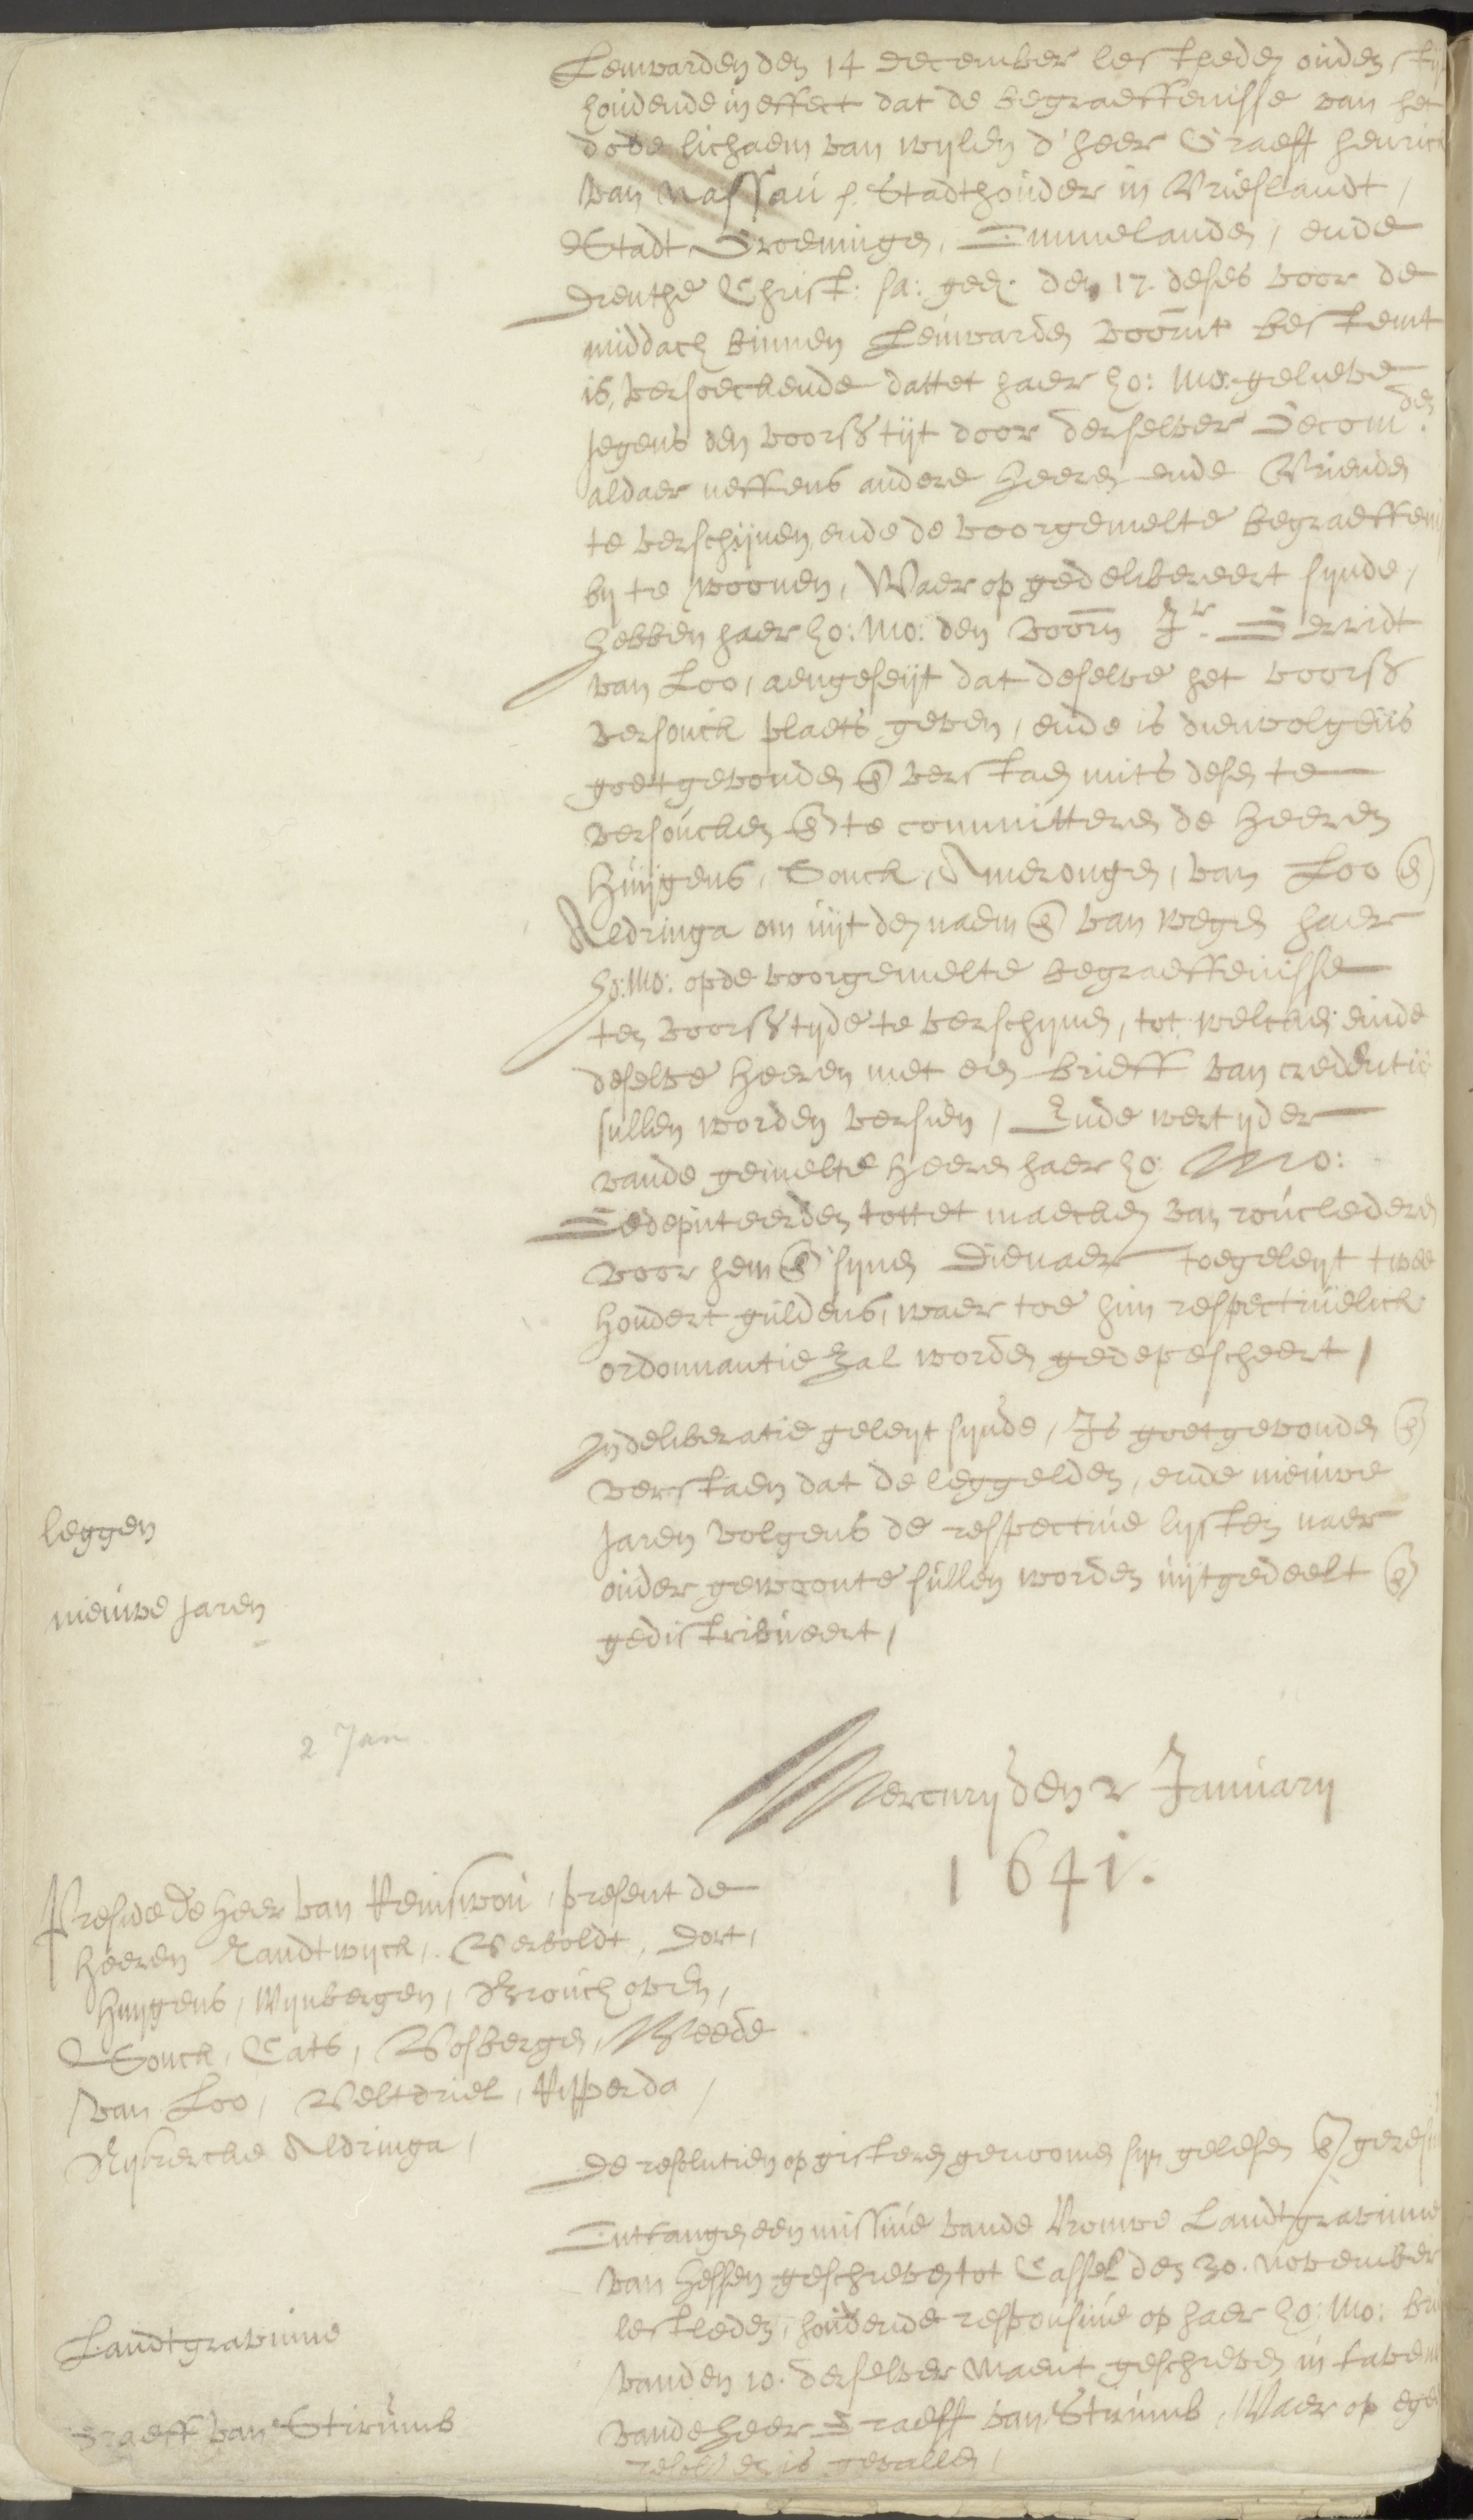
Leuwarden den 14 december lestleden ouden stijl
houdende in effect dat de begraeffenisse van het
dode lichaem van wylen d'heer Graeff henrick
van Nassau s. Stadthouder in Vrieslandt,
Stadt Groeningen, Ommelanden, ende
Drenthe Christ: sa: gee. den 17. deses voor de
middach binnen Leuwarden voornt bestemt
is, versoeckende dattet haer ho:Mo: gelieve
jegens den voors tijt door derselver Gecomden.
aldaer neffens andere heeren ende Vrienden
te verschijnen ende de voorgemelte begraeffenisse
by te woonen. Waer op gedelibereert synde,
hebben haer ho:Mo: den voorn Jr. Gerridt
van Loo, aengeseijt dat deselve het voors
versouck plaets geven, ende is dienvolgens
goetgevonden & verstaen mits desen te
versoucken & te committeren de heeren
Huijgens, Sonck, Amerongen, van Loo &
Aldringa om uijt den naem & van wegen haer
ho:mo: opde voorgemelte begraeffenisse
ten voors tyde te verschynen, tot welcken einde
deselve heeren met een brieff van credentie
sullen worden versien. Ende wert yder
vande gemelte heeren haer ho:Mo:
Gedeputeerden tottet maecken van rouclederen
voor hem & synen Dienaer toegeleyt twee
hondert guldens, waer toe hun respectiuelick
ordonnantie zal worden gedepescheert.
leggen
nieuwe jaren
In deliberatie geleyt synde, Is goetgevonden &
verstaen dat de leggelden, ende nieuwe
jaren volgens de respectiue lysten naer
ouder gewoonte sullen worden uijtgedeelt &
gedistribueert.
2 Jan.
Mercury de 2 January
1641.
Preside de heer van Reinswou, present de
heeren Randtwyck, Verboldt, Dort,
huygens, Wynbergen, Brouchoven,
Sonck, Cats, Vosbergen, Weede
van Loo, Veltdriel, Ripperda,
Nykercke Aldringa
De resolutien op gisteren genoomen syn gelesen & geresu
Landtgravinne
Graeff van Stirumb
Ontfangen een missiue vande Vrouwe Landtgravinne
van Hessen geschreven tot Cassel den 30. november
lestleden, houdende responsiue op haer ho:Mo: brie
vanden 10. derselver maent geschreven in faveur
vande heer Graeff van Stirumb. Waer op ege
resol en is gevallen.
